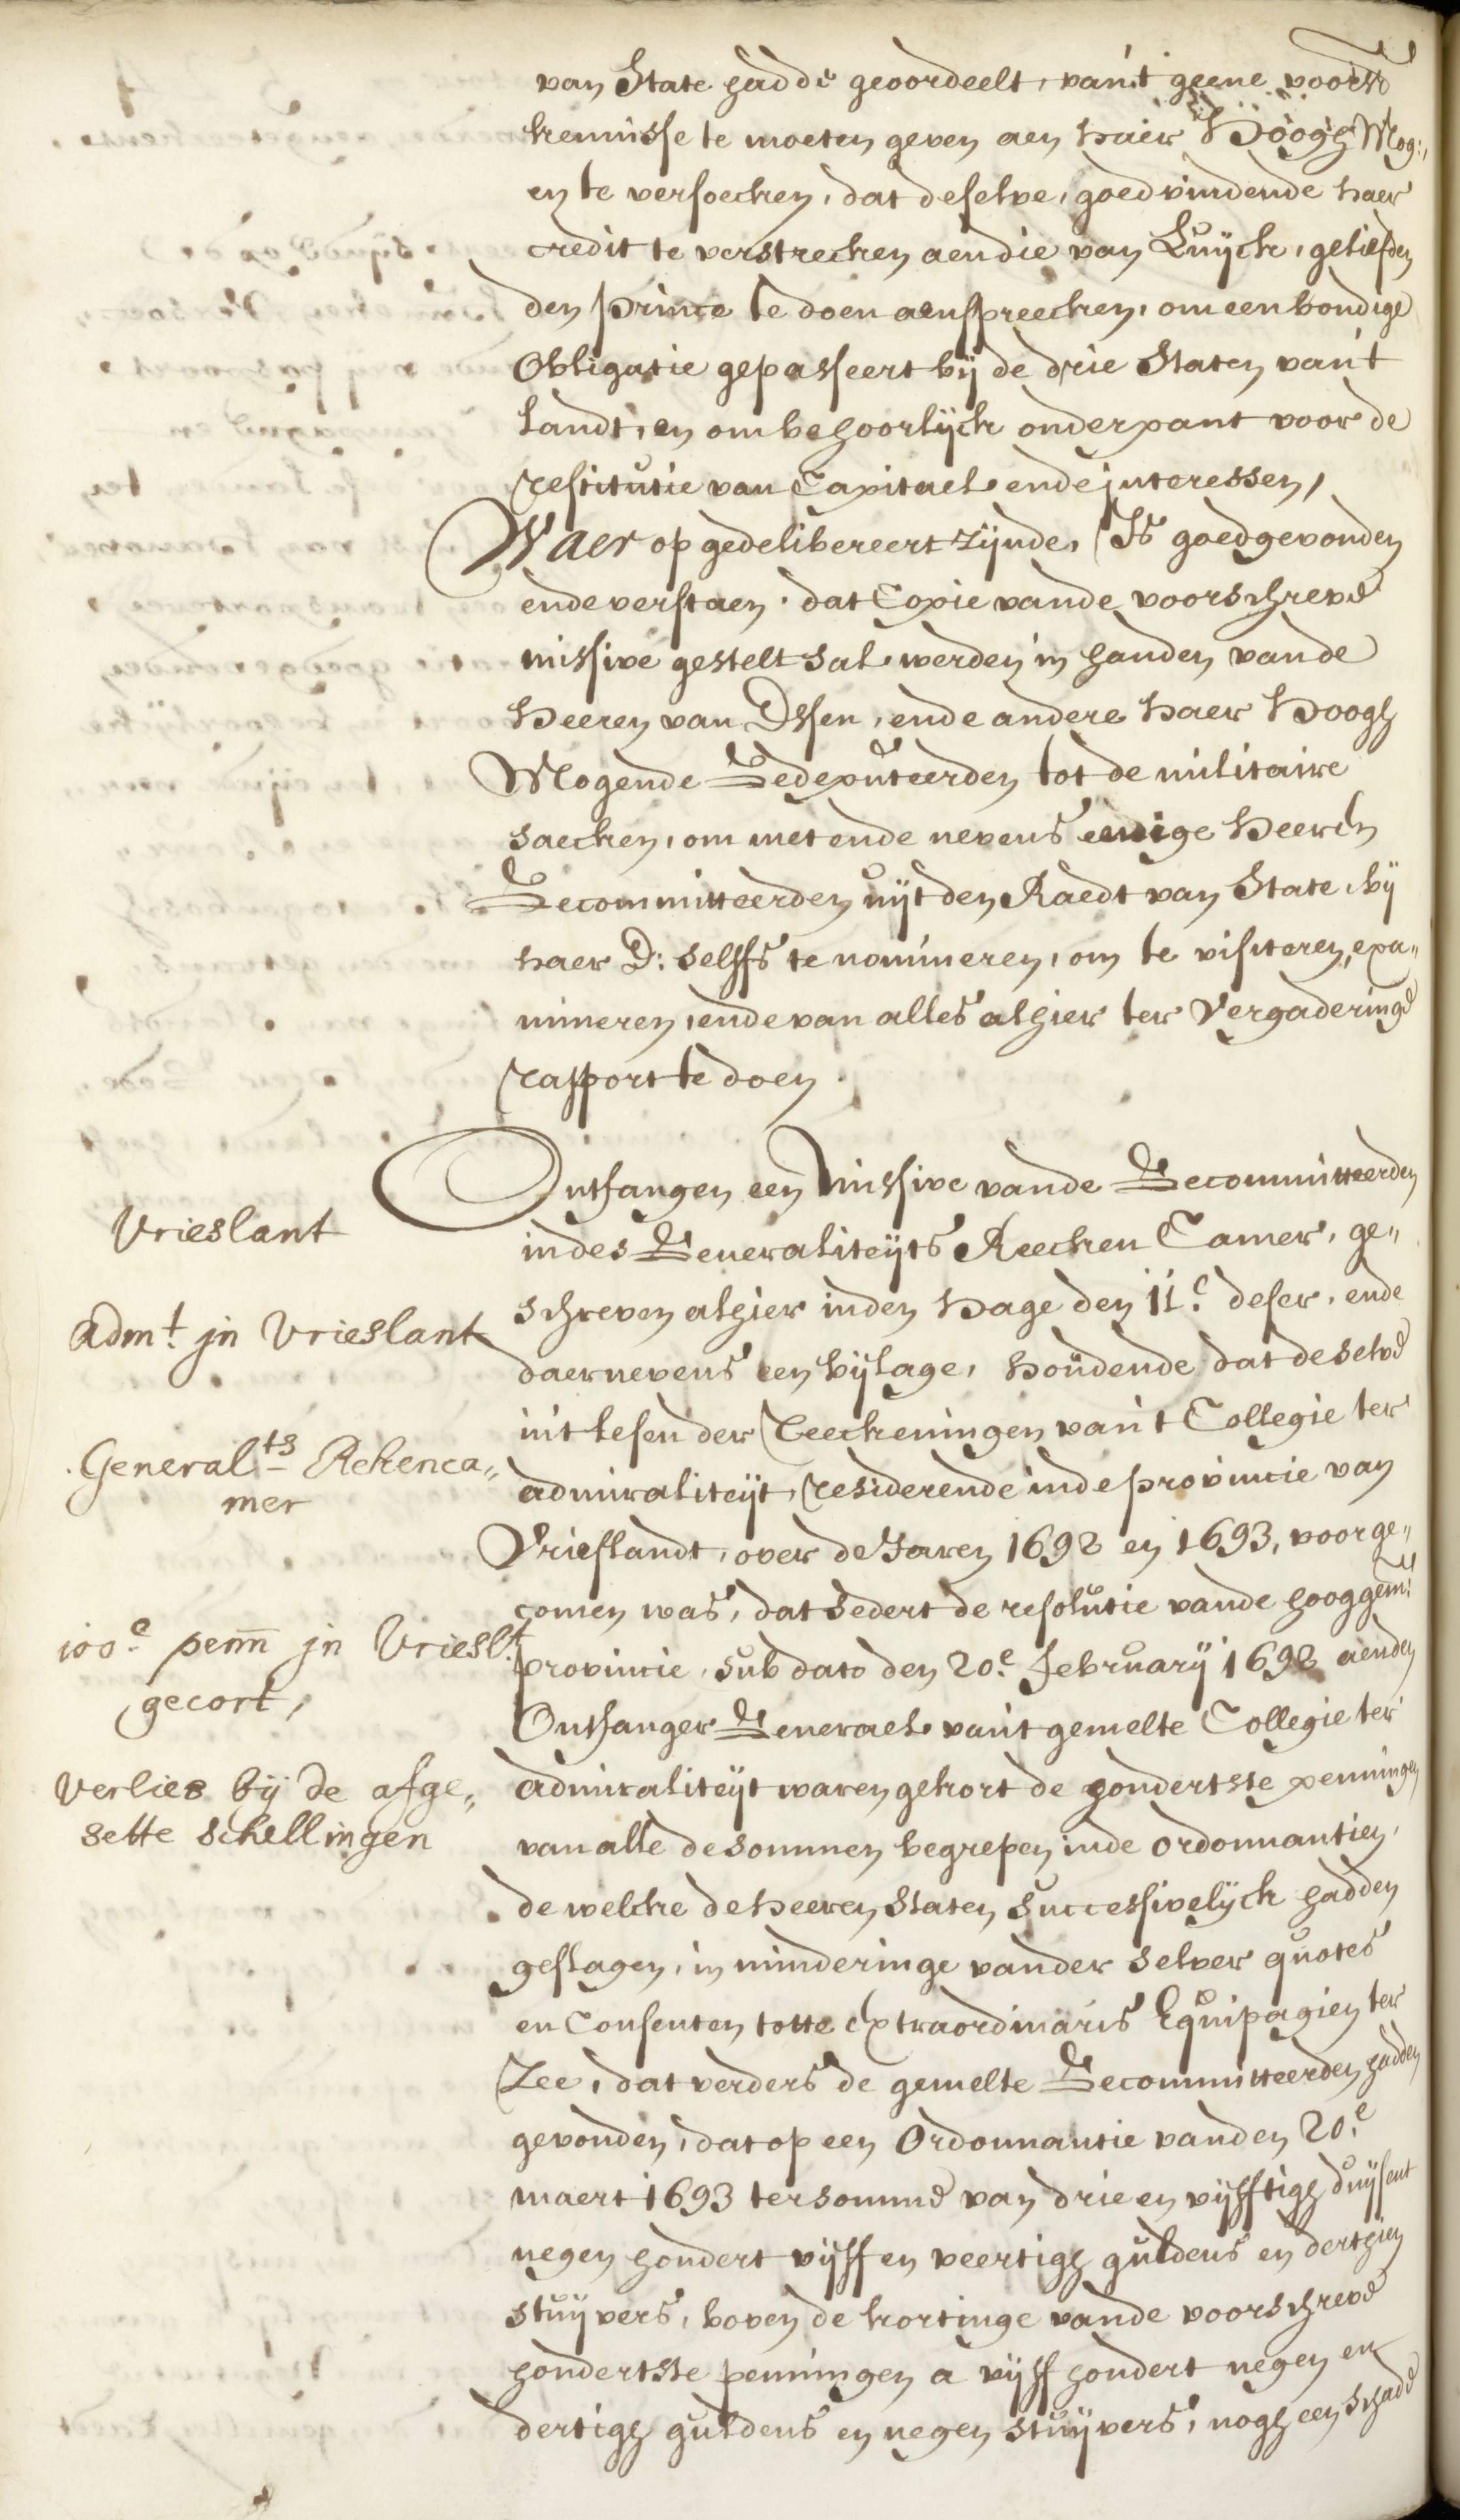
van State hadde geoordeelt, vant geene voorsz
kennisse te moeten geven aen haer Hoogh Mog:,
en te versoecken, dat deselve, goedvindende haer
credit te verstrecken aen die van Luijck, geliefden
den Prince te doen aenspreecken, om een bondige
Obligatie gepasseert bij de drie Staten van‛t
Landt, en om behoorlijck onderpant voor de
restitutie van Capitael ende interessen,
Waer op gedelibereert zijnden, Is goedgevonden
ende verstaen, dat Copie vande voorschreve
missive gestelt sal werden in handen van de
Heeren van Olsen, ende andere haer Hoogh
Mogende Gedeputeerden tot de militaire
saecken, om met ende nevens eenige Heeren
Gecommitteerden uijt den Raedt van State, bij
haer E: selffs te nomineren, om te visiteren, exa„
mineren, ende van alles alhier ter Vergaderinge
rapport te doen.
Vrieslant
Admt. in Vrieslant
Generalts Rekenca„
mer
100e penn in Vrieslt
gecort.
verlies bij de afge„
sette schellingen
Ontfangen een Missive vande Gecommitteerden
indes Generaliteijts Reecken Camer, ge„
schreven alhier inden Hage den 11e. deser, ende
daernevens een bijlage, houdende dat deselve
in‛t lesen der Reeckeningen van‛t Collegie ter
admiraliteijt, residerende inde provincie van
Vrieslandt, over de Jaren 1692 en 1693, voorge„
comen was, dat sedert de resolutie vande hooggem
provincie, sub dato den 20e. februarij 1692 aenden
Ontfanger Generael van‛t gemelte Collegie ter
admiraliteijt waren gekort de hondertste penningen
van alle de sommen begrepen inde ordonnantien
de welcke de heeren Staten, successivelijck hadden
geslagen, in minderinge vander selver quotes
en consenten totte Extraordinaris Equipagien ter
Zee, dat verders de gemelte Gecommitteerden hadden
gevonden, dat op een Ordonnantie vanden 20e.
maert 1693 ter somme van drie en vijfftigh duijsent
negen hondert vijffen veertigh guldens en derthien
stuijvers, boven de kortinge vande voorschreve
hondertste penningen a vijffhondert negen en
dertigh guldens en negen stuijvers, nogh een schade
